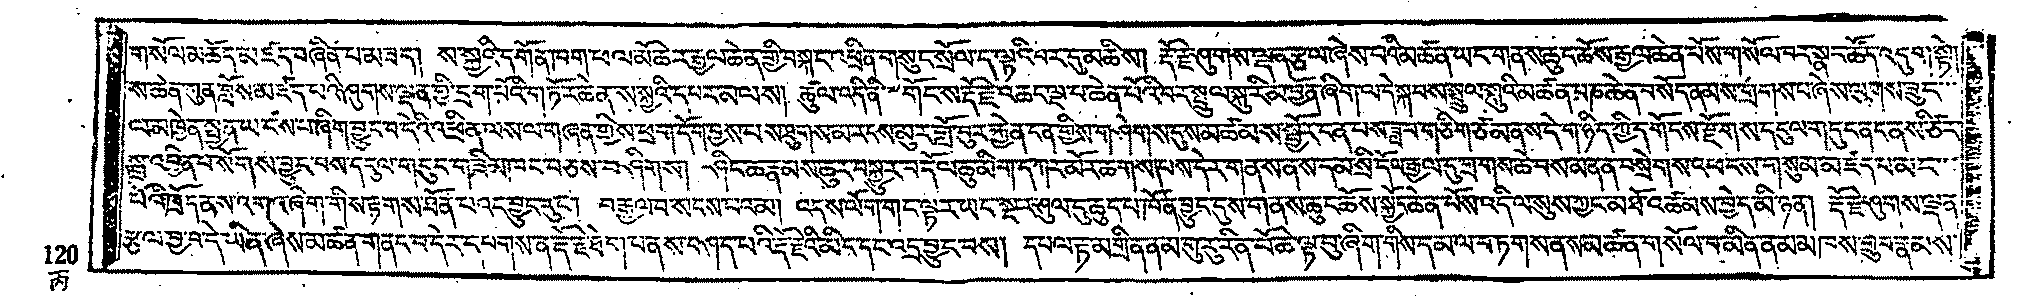གསོལ་མཆོད་མཛད་བཞིན་པ་མ་ཟད། ས་སྐྱའི་དགོན་ཁག་ཕལ་མོ་ཆེར་རྒྱལ་ཆེན་གྱི་བསྐང་འཕྲིན་གསུང་སྲོལ་ད་ལྟའི་བར་དུ་མཆིས། རྡོ་རྗེ་ཤུགས་ལྡན་རྩལ་ཞེས་པའི་མཚན་ཡང་གནས་ཆུང་ཆོས་རྒྱལ་ཆེན་པོས་གསོལ་བར་སྣང་ཚོད་འདུག་སྟེ།
ས་ཆེན་ཀུན་བློས་མཛད་པའི་ཤུགས་ལྡན་གྱི་དྲག་པོའི་གཏོར་ཆེན་ས་སྐྱའི་དཔར་མ་ལས། ཚུལ་འདི་ནི་༧གོང་ས་རྡོ་རྗེ་འཆང་ལྔ་པ་ཆེན་པོའི་བར་སྤྲུལ་སྐུ་རིམ་བྱོན་ཞིག་ལ་དེ་སྐབས་སྤྲུལ་སྐུའི་མཚན་པཎ་ཆེན་བསོད་ནམས་གྲགས་པ་ཞེས་ལུགས་ཟུང་
ལ་མཁྱེན་སྤྱན་ཡངས་པ་ཞིག་བྱུང་བ་དེའི་འཕྲིན་ལས་ལ་གཞན་གྱིས་ཕྲག་དོག་བྱས་པས་ཐུགས་མ་རངས་མུར་གློ་བུར་རྐྱེན་ངན་གྱིས་གཤེགས་དུས་མཚམས་སྦྱོར་ངན་པས་ཟླ་བ་གཅིག་ཙམ་ནས་དེ་ག་ཉིད་ཀྱི་དགོངས་རྫོགས་དངུལ་གདུང་ནང་ནས་ཙིར་
སྒྲ་འབྱིན་པ་སོགས་བྱུང་པས་དངུལ་གདུང་གཟིམ་ཁང་བཅས་བཤིགས། ཤིང་ཆ་རྣམས་ཆུར་བསྐྱུར་བ་དོལ་ཆུ་མིག་དཀར་མོར་ཆགས་པས་དེར་གནས་ནས་དམ་སྲི་དོལ་རྒྱལ་དུ་གྲགས་ཆེ་བས་མནན་བསྲེགས་འཕངས་གསུམ་མཛད་པ་མང་
པོའི་ཁྲོད་ནས་འགའ་ཞིག་གིས་རྟགས་ཐོན་པའང་བྱུང་རུང་། བརྒྱལ་བ་སངས་པའམ། འདས་ལོག་གང་ལྟར་ཡང་སྔར་ཤུལ་དུ་ཆུད་པ་ཁོ་ན་བྱུང་དུས་གནས་ཆུང་ཆོས་སྐྱོང་ཆེན་པོས་འདི་ལ་སུས་ཀྱང་མཐོ་འཚམས་བྱེད་མི་ཉན། རྡོ་རྗེ་ཤུགས་ལྡན་
རྩལ་བྱ་བ་དེ་ཡིན་ཞེས་མཚན་གནང་བ་དེར་དཔགས་ན་རྡོ་རྗེ་ཐེག་པ་ནས་བཤད་པའི་རྡོ་རྗེའི་མིང་དང་འདྲ་བྱུང་བས། དཔལ་རྟ་མགྲིན་ནམ་གུ་རུ་རིན་པོ་ཆེ་ལྟ་བུ་ཞིག་གིས་དམ་ལ་བཏགས་ནས་མཚན་གསོལ་བ་མིན་ནམ་མཁས་གྲུབ་རྣམས་